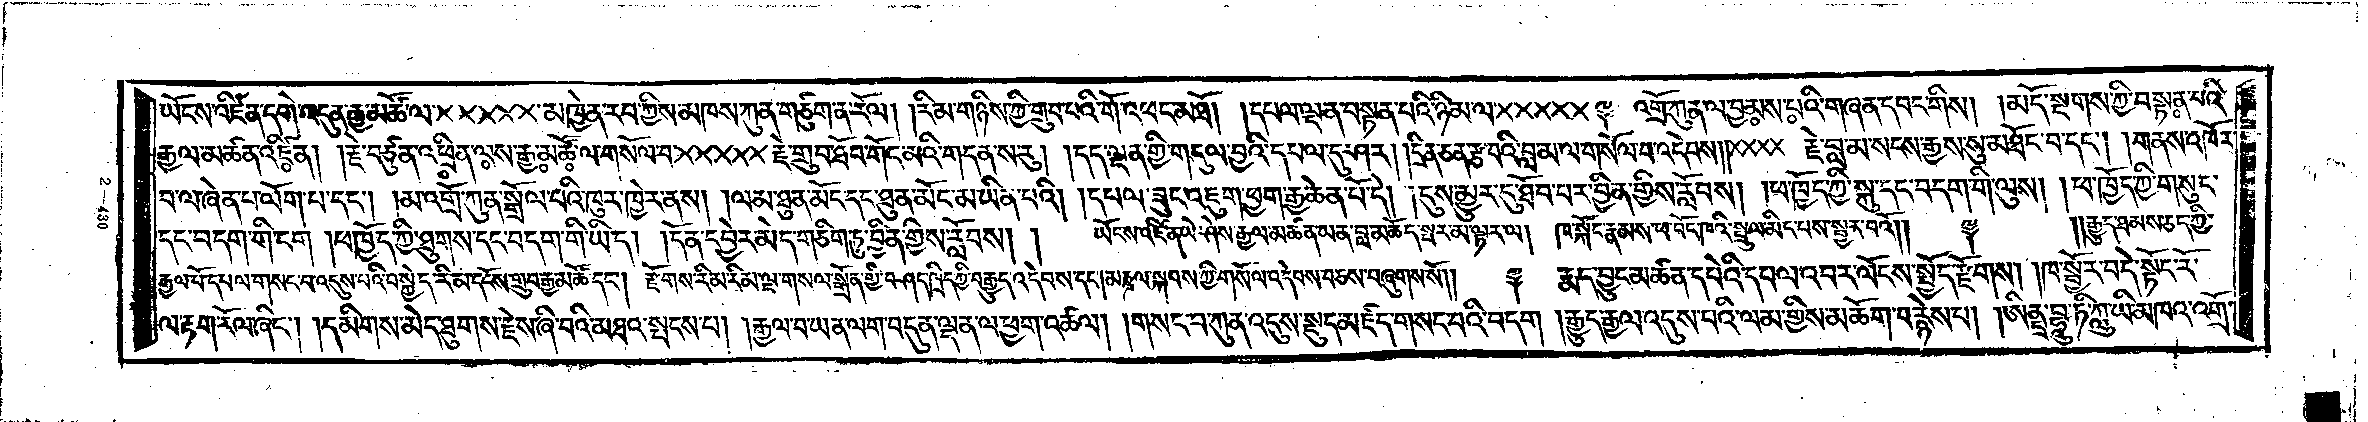ཡོངས་འཛིན་དགེ་འདུན་རྒྱ་མཚོ་ལ་྾྾྾་མཁྱེན་རབ་ཀྱིས་མཁས་ཀུན་གཙུག་ན་རོལ། །རིམ་གཉིས་ཀྱི་གྲུབ་པའི་གོ་འཕང་མཐོ། །དཔལ་ལྡན་བསྟན་པའི་ཉི་མ་ལ་༈ འགྲོ་ཀུན་ལ་བྱམས྾་པའི྾་གཞན་དབང་གིས། །མདོ་སྔགས་ཀྱི་བསྟན྾་པའི་
རྒྱལ་མཚན་འཛིན྾། །རྗེ་བཙུན་འཕྲིན྾་ལས྾་རྒྱ྾་མཚོ྾་ལ་གསོལ་བ་྾྾྾་རྗེ་གྲུབ་ཐོབ་གོང་གདན་ས་རུ། །དད་ལྡན་གྱི་གདུལ་བྱའི་དཔལ་དུ་ཤར། །དྲིན་ཅན་རྩ་བའི་བླ་མ་ལ་གསོལ་བ་འདེབས། །རྗེ་བླ་མ་སངས་རྒྱས་སུ་མཐོང་བ་དང་། །གནས་འཁོར་
བ་ལ་ཞེན་པ་ལོག་པ་དང་། །མ་འགྲོ་ཀུན་སྒྲོལ་བའི་ཁུར་ཁྱེར་ནས། །ལམ་ཐུན་མོང་དང་ཐུན་མོང་མ་ཡིན་པའི། །དཔལ་ཟུང་འཇུག་ཕྱག་རྒྱ་ཆེན་པོ་དེ། །དུས་མྱུར་དུ་ཐོབ་པར་བྱིན་གྱིས་རློབས། །ཕ་ཁྱོད་ཀྱི་སྐུ་དང་བདག་གི་ལུས། །ཕ་ཁྱོད་ཀྱི་གསུང་
དང་བདག་གི་ངག །ཕ་ཁྱོད་ཀྱི་ཐུགས་དང་བདག་གི་ཡིད། །དོན་དབྱེར་མེད་གཅིག་ཏུ་བྱིན་གྱིས་རློས། །ཡོངས་འཛིན་ཡེ་ཤེས་རྒྱལ་མཚན་ཡན་བླ་མཆོད་སྤར་མ་ལྟར་ལ། ཁ་སྐོང་རྣམས་ཕ་བོང་ཁའི་སྤྲུལ་མིང་པས་སྦྱར་བའོ།། ༈ །།རྒྱུད་ཐམས་ཅད་ཀྱི་
རྒྱལ་པོ་དཔལ་གསང་བ་འདུས་པའི་བསྐྱེད་རིམ་དངོས་གྲུབ་རྒྱ་མཚོ་དང་། རྫོགས་རིམ་རིམ་ལྔ་གསལ་སྒྲོན་གྱི་བཤད་ཁྲིད་ཀྱི་བརྒྱུད་འདེབས་དང་། མཎྜལ་སྐབས་ཀྱི་གསོལ་འདེབས་བཅས་བཞུགས་སོ།། ༈ རྨད་བྱུང་མཚན་དཔེའི་དཔལ་འབར་ལོངས་སྤྱོད་རྫོགས། །ཁ་སྦྱོར་བདེ་སྟོང་རོ་
ལ་རྟག་རོལ་ཞིང་། །དམིགས་མེད་ཐུགས་རྗེས་ཞི་བའི་མཐའ་སྤངས་པ། །རྒྱལ་བ་ཡན་ལག་བདུན་ལྡན་ལ་ཕྱག་འཚལ། །གསང་བ་ཀུན་འདུས་སྡུད་མཛད་གསང་བའི་བདག །རྒྱུད་རྒྱལ་འདུས་པའི་ལམ་གྱིས་མཆོག་བརྙེས་པ། །ཨིནྡྲ་བྷཱུ་ཏི་ཀླུ་ཡི་མཁའ་འགྲོ་